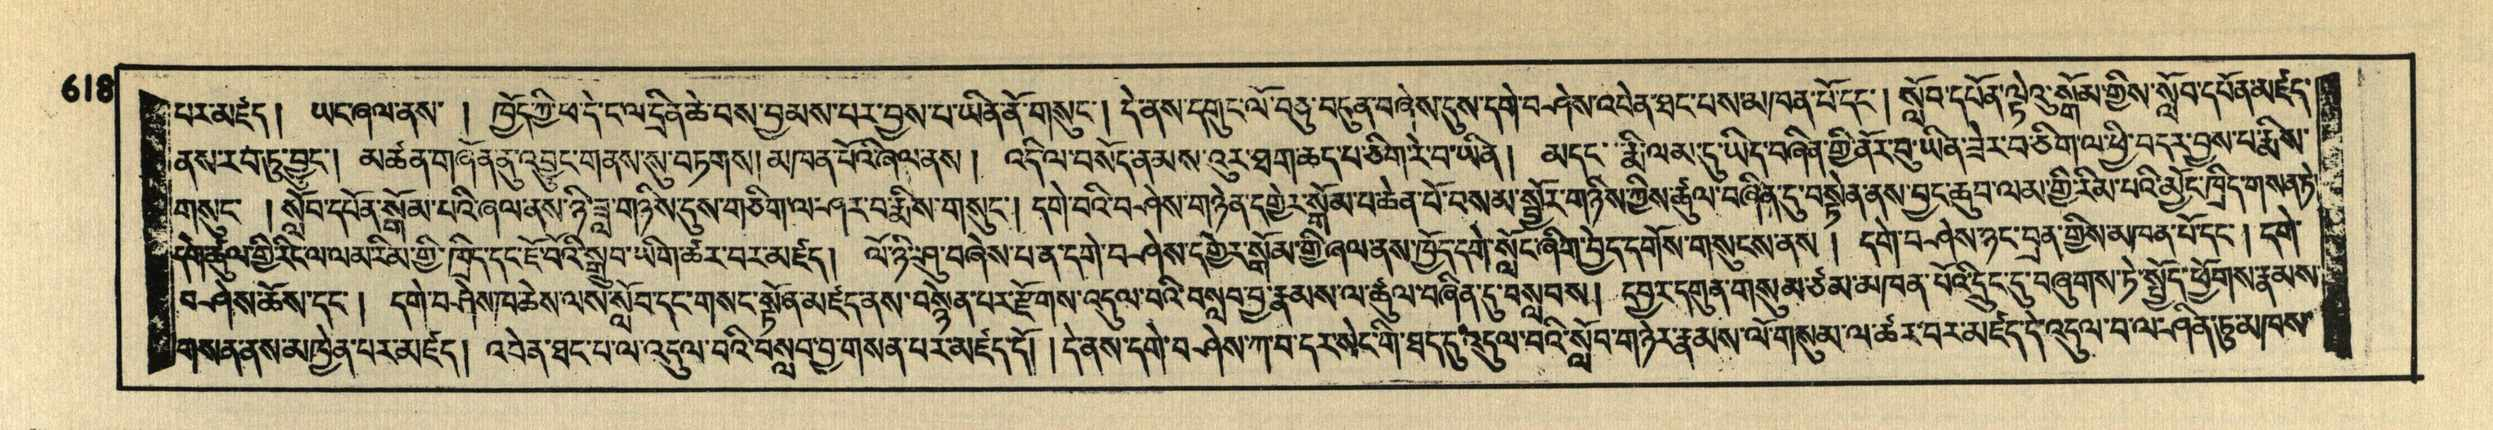པར་མཛད། ཡང་ཞལ་ནས། ཁྱོད་ཀྱི་ཕ་དེ་ང་ལ་དྲིན་ཆེ་བས་བྱམས་པར་བྱས་པ་ཡིན་ནོ་གསུང་། དེ་ནས་དགུང་ལོ་བཅུ་བདུན་བཞེས་དུས་དགེ་བཤེས་འབེན་ཐང་པས་མཁན་པོ་དང་། སློབ་དཔོན་ལྟེའུ་སྒོམ་གྱིས་སློབ་དཔོན་མཛད་
ནས་རབ་ཏུ་བྱུང་། མཚན་གཞོན་ནུ་འབྱུང་གནས་སུ་བཏགས། མཁན་པོའི་ཞལ་ནས། འདི་ལ་བསོད་ནམས་འུར་ཐག་ཆད་པ་ཅིག་རེ་བ་ཡིན། མདང་རྨི་ལམ་དུ་ཡིད་བཞིན་གྱི་ནོར་བུ་ཡིན་ཟེར་བ་ཅིག་ལ་ཕྱི་བདར་བྱས་པ་རྨིས་
གསུང་།སློབ་དཔོན་སྒོམ་པའི་ཞལ་ནས་ཉི་ཟླ་གཉིས་དུས་གཅིག་ལ་ཤར་བ་རྨིས་གསུང་། དགེ་བའི་བཤེས་གཉེན་དགྱེར་སྒོམ་པ་ཆེན་པོ་བསམ་སྦྱོར་གཉིས་ཀྱིས་ཚུལ་བཞིན་དུ་བསྟེན་ནས་བྱང་ཆུབ་ལམ་གྱི་རིམ་པའི་མྱོང་ཁྲིད་གསན་ཏེ།
དགེ་ཚུལ་གྱི་རིང་ལ་ལམ་རིམ་གྱི་ཁྲིད་དང་ཇོ་བོའི་སྒྲུབ་ཡིག་ཚར་བར་མཛད། ལོ་ཉི་ཤུ་བཞེས་པ་ན་དགེ་བཤེས་དགྱེར་སྒོམ་གྱི་ཞལ་ནས་ཁྱོད་དགེ་སློང་ཞིག་བྱེད་དགོས་གསུངས་ནས། དགེ་བཤེས་ཉང་བྲན་གྱིས་མཁན་པོ་དང་། དགེ་
བཤེས་ཆོས་དང་། དགེ་བཤེས་ཁ་ཆེས་ལས་སློབ་དང་གསང་སྟོན་མཛད་ནས་བསྙེན་པར་རྫོགས་འདུལ་བའི་བསླབ་བྱ་རྣམས་ལ་ཚུལ་བཞིན་དུ་བསླབས། དབྱར་དགུན་གསུམ་ཙམ་མཁན་པོའི་དྲུང་དུ་བཞུགས་ཏེ་སྤྱོད་ཕྱོགས་རྣམས་
གསན་ནས་མཁྱེན་པར་མཛད། འབེན་ཐང་པ་ལ་འདུལ་བའི་བསླབ་བྱ་གསན་པར་མཛད་དོ། །དེ་ནས་དགེ་བཤེས་ཀ་བ་དར་སེང་གི་ཐད་དུ་འདུལ་བའི་སློབ་གཉེར་རྣམས་ལོ་གསུམ་ལ་ཚར་བར་མཛད་དེ་འདུལ་བ་ལ་ཤིན་ཏུ་མཁས་